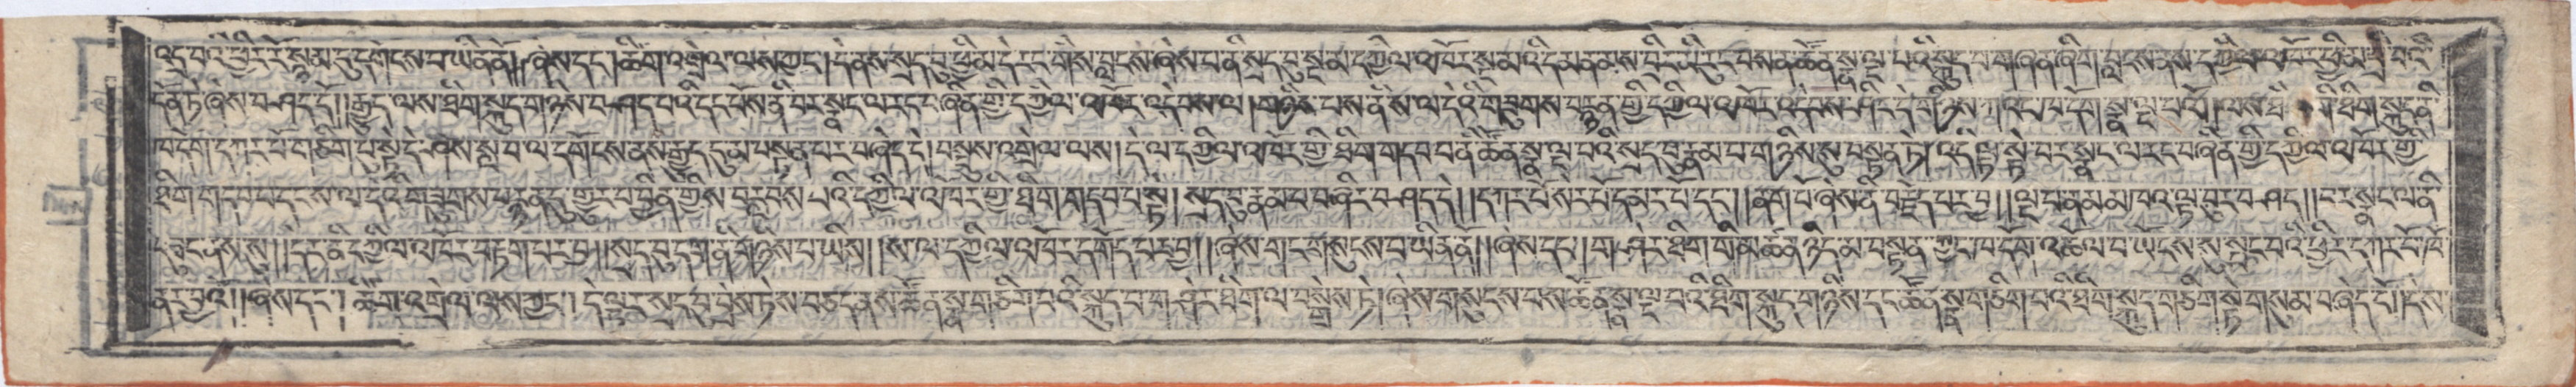འདྲ་བའི་ཕྱིར་རོ་སྙམ་དུ་དགོངས་པ་ཡིན་ནོ། །ཞེས་དང་། ཚིག་འགྲེལ་ལས་ཀྱང་། དེ་ནས་སྲད་བུ་ཕྱི་མ་དེ་རང་གིས་བླངས་ཞེས་པ་ནི་སྲད་བུ་སྔ་མ་དཀྱིལ་འཁོར་སྔ་མའི་དམན་མས་བྲིར་མི་རུང་བས་ན་ཚོན་སྣ་ལྔ་པའི་སྐུད་པ་གཞན་ཞིག་བླངས་ནས་དཀྱིལ་འཁོར་ཕྱི་མ་བྲི་བའི་
དོན་ཏེ་ཞེས་བཤད་དོ། །རྒྱུད་ལས་ཐིག་སྐུད་གཉིས་བཤད་པའི་དང་པོས་ནི་བར་སྣང་ལ་རང་བཞིན་གྱི་དཀྱིལ་འཁོར་འདེབས་ལ། གཉིས་པས་ནི་ས་ལ་དེའི་གཟུགས་བརྙན་གྱི་དཀྱིལ་འཁོར་འདེབས་ཤིང་དེ་གཉིས་ཀའང་ཁ་དོག་སྣ་ལྔ་པའོ། །ལས་ཐིག་གི་ཐིག་སྐུད་ནི་
ཁ་དོག་དཀར་པོ་གཅིག་པུ་སྟེ་དེ་ཤེས་སླ་བ་ལ་དགོངས་ནས་རྒྱུད་དུ་མ་བསྟན་པར་བཞེད་དེ། བསྡུས་འགྲེལ་ལས། དེ་ལ་དཀྱིལ་འཁོར་གྱི་ཐིག་གདབ་པ་ནི་ཚོན་སྣ་ལྔ་པའི་སྲད་བུ་རྣམ་པ་གཉིས་སུ་བསྟན་ཏེ། འདི་ལྟ་སྟེ་བར་སྣང་ལ་རང་བཞིན་གྱི་དཀྱིལ་འཁོར་གྱི་
ཐིག་གདབ་པ་དང་ས་ལ་དོའི་གཟུགས་བརྙན་དུ་གྱུར་པ་བྱིན་གྱིས་བརླབས་པའི་དཀྱིལ་འཁོར་གྱི་ཐིག་གདབ་པ་སྟེ། སྲད་བུ་རྣམ་པ་བཞིར་བཤད་དེ། །དཀར་པོ་སེར་པོ་དམར་པོ་དང་། །ནག་པོ་ཞེས་ནི་བརྗོད་པར་བྱ། །ལྔ་པ་ནམ་མཁའ་ལྟ་བུར་བཤད། །བར་སྣང་ལ་ནི་
བཟུང་ནས་སུ། །དེར་ནི་དཀྱིལ་འཁོར་བརྟག་པར་བྱ། །སྲད་བུ་དག་ནི་གཉིས་པ་ཡིས། །ས་ལ་དཀྱིལ་འཁོར་དགོད་པར་བྱ། །ཞེས་གང་གསུངས་པ་ཡིན་ནོ། །ཞེས་དང་། གཤེར་ཐིག་གི་མཚན་ཉིད་མ་བསྟན་ཀྱང་ཁ་དོག་འཆོལ་བ་ཡོངས་སུ་སྤང་བའི་ཕྱིར་དཀར་པོ་ཁོ་
ནར་བྱའོ། །ཞེས་དང་། ཚིག་འགྲེལ་ལས་ཀྱང་། དེ་ལྟར་སྲད་བུ་བྲེས་ཏེ་ས་བཅད་ནས་ཚོན་སྣ་གཅིག་པའི་སྐུད་པ་གཤེར་ཐིག་ལ་བསྒྲེས་ཏེ། ཞེས་གསུངས་པས་ཚོན་སྣ་ལྔ་པའི་ཐིག་སྐུད་གཉིས་དང་ཚོན་སྣ་གཅིག་པའི་ཐིག་སྐུད་གཅིག་སྟེ་གསུམ་བཞེད་དོ། །དེས་